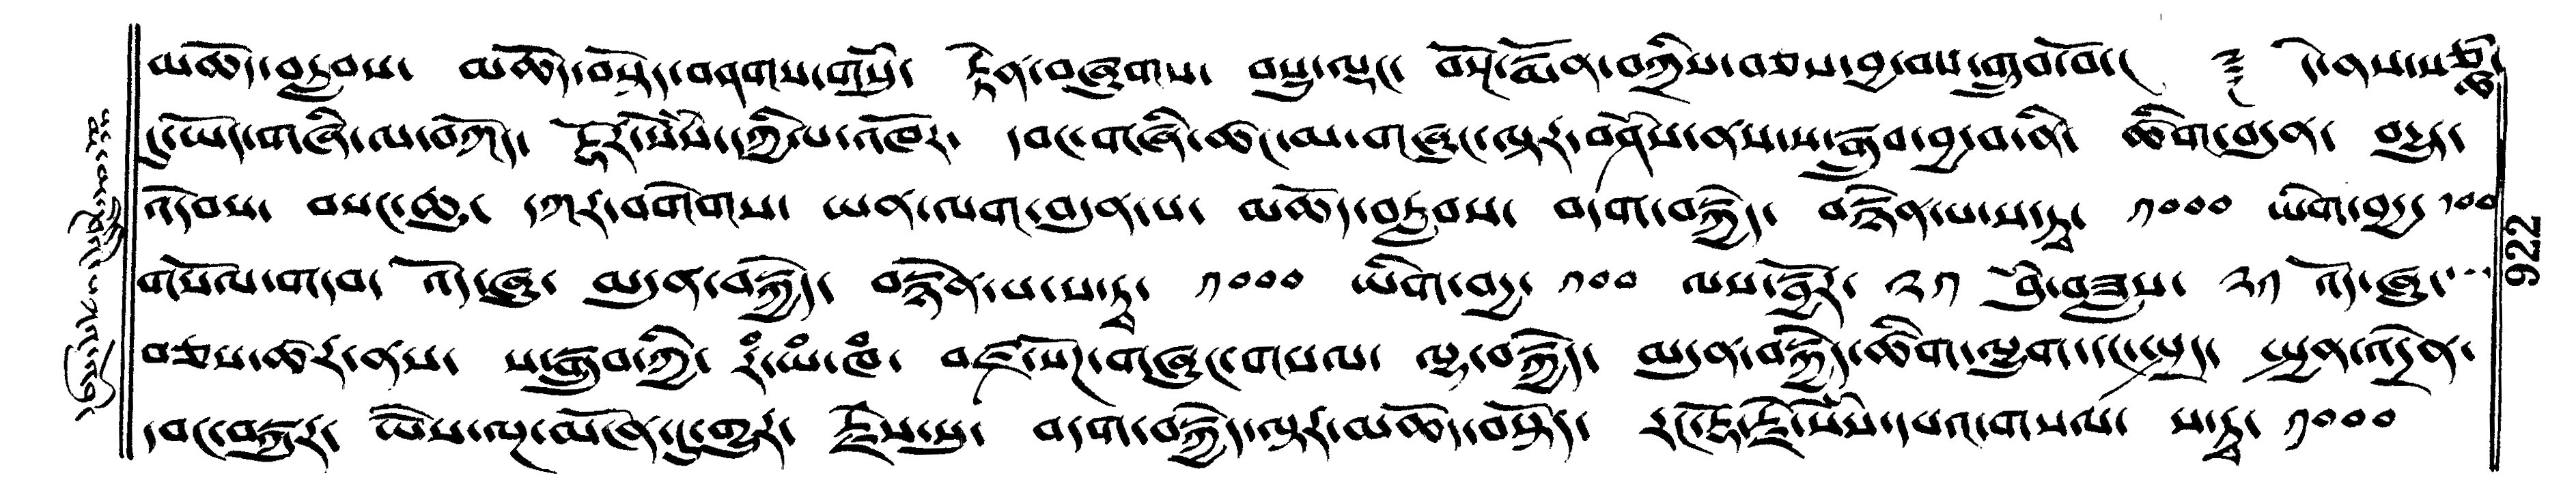མཆོད་བརླབས། མཆོད་བསྟོད་བཤགས་གསུམ། རྟེན་བཞུགས། བསྡུ་ལྡང་། བསྔོ་སྨོན་བཀྲ་ཤིས་བཅས་བྱ་བས་གྲུབ་བོ། ༈ དེ་བས་སཙྪ་
དུ་ཡོད་གཞི་ལ་བཀོད། རྡོར་སེམས་དཀྱིལ་འཁོར། དབང་གཞི་ཚང་མ་གཞུང་ལྟར་བཤམས་ནས་ས་སྒྲུབ་བྱ་བ་ནི། ཚིག་བདུན། བརྒྱུད་
འདེབས། བསང་ཆུ། དཀར་བགེགས། ཡན་ལག་བདུན་པ། མཆོད་བརླབས། བདག་བསྐྱེད། བསྙེན་པ་ས་ཏྭ། ༡༠༠༠ ཡིག་བརྒྱ། ༡༠༠ 
གསོལ་གདབ། འོད་ཞུ། མདུན་བསྐྱེད། བསྙེན་པ་ས་ཏྭ། ༡༠༠༠ ཡིག་བརྒྱ། ༡༠༠ ལས་སྦྱོར། ༢༡ བུམ་བཟླས། ༢༡ འོད་ཞུ་
བཅས་ཚར་ནས། ས་སྒྲུབ་ཀྱི། རཾ་ཡཾ་ཁཾ། བཛྲ༴ སོགས་གཞུང་གསལ། ལྷ་བསྐྱེད། མདུན་བསྐྱེད་ཚིག་ལྷུག་དང་སྤྲད། སྤྱན་འདྲེན་
དབང་བསྐུར། ཡེ་ཤེས་ལྔ་མངོན་དུ་གྱུར༴ རྗེས་སུ། བདག་བསྐྱེད་ལྟར་མཆོད་བསྟོད། རང་རྡོ་རྗེ་སེམས་དཔར་གསལ༴ ས་ཏྭ༴ ༡༠༠༠